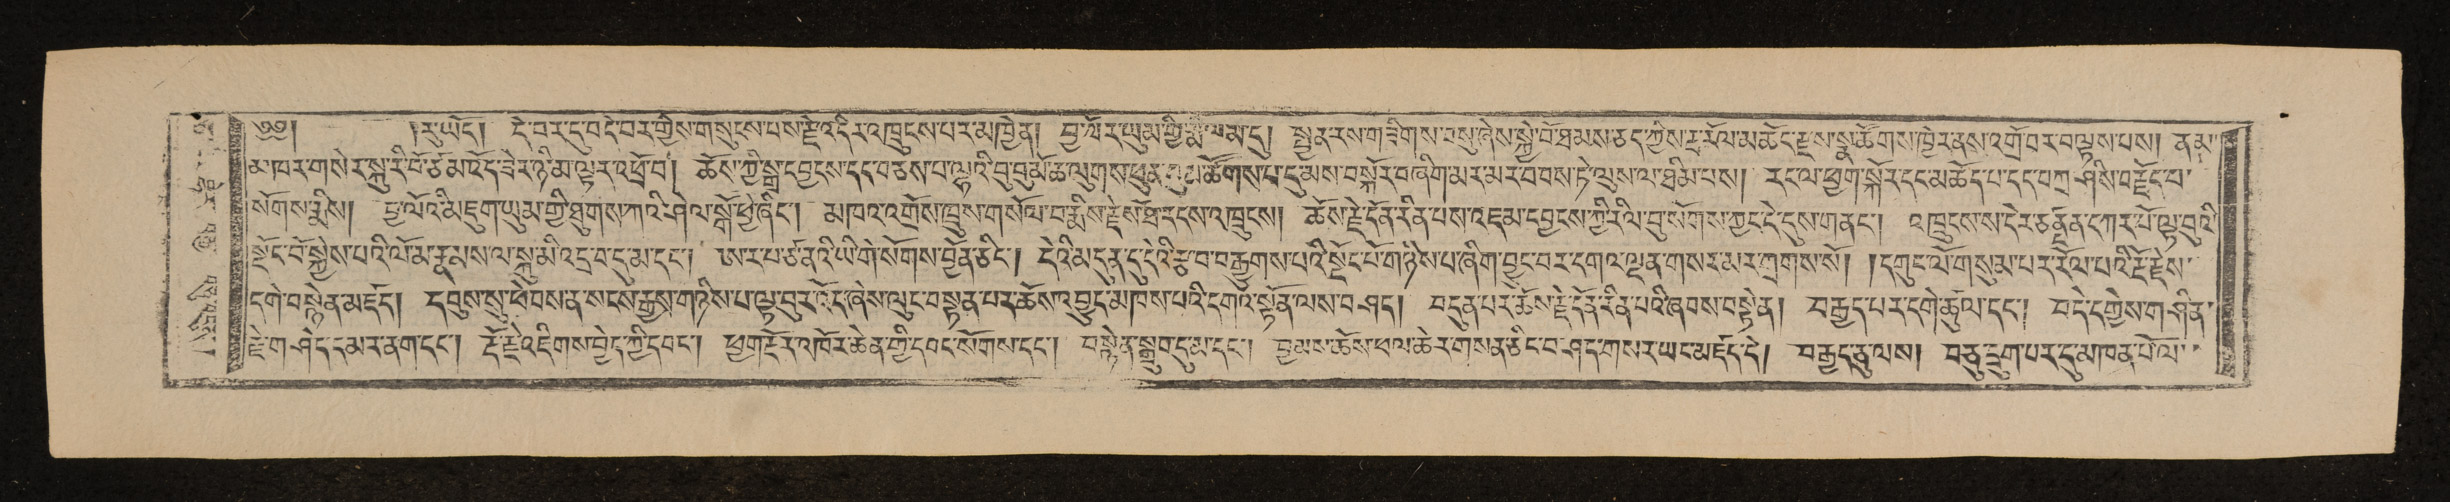༄༅། །རུ་ཡོང་། དེ་བར་དུ་བདེ་བར་གྱིས་གསུངས་པས་རྗེ་འདིར་འཁྲུངས་པར་མཁྱེན། བྱ་ལོར་ཡུམ་གྱི་རྨི་ལམ་དུ། སྤྱན་རས་གཟིགས་བསུ་ཞེས་སྐྱེ་བོ་ཐམས་ཅད་ཀྱིས་རྔ་རོལ་མཆོད་རྫས་སྣ་ཚོགས་ཁྱེར་ནས་འགྲོ་བར་བལྟས་པས། ནམ་
མཁར་གསེར་སྐུ་རི་བོ་ཙམ་འོད་ཟེར་ཉི་མ་ལྟར་འཕྲོ་བ། ཆོས་ཀྱི་སྒྲ་དབྱངས་དང་བཅས་པ་ལྷའི་བུ་བུ་མོ་ཆ་ལུགས་ཕུན་སུམ་ཚོགས་པ་དུ་མས་བསྐོར་བ་ཞིག་མར་མར་བབས་ཏེ་ལུས་ལ་ཐིམ་པས། རང་ལ་ཕྱག་སྐོར་དང་མཆོད་པ་དང་བཀྲ་ཤིས་བརྗོད་པ་
སོགས་རྨིས། བྱ་ལོའི་མཇུག་ཡུམ་གྱི་ཐུགས་ཀའི་ཤེལ་སྒོ་ཕྱེ་ཞིང་། མཁའ་འགྲོས་ཁྲུས་གསོལ་བ་རྨིས་རྗེས་ཐོ་རངས་འཁྲུངས། ཆོས་རྗེ་དོན་རིན་པས་འཇམ་དབྱངས་ཀྱི་རིལ་བུ་སོགས་ཀྱང་དེ་དུས་གནང་། འཁྲུངས་ས་དེར་ཙནྡན་དཀར་པོ་ལྟ་བུའི་
སྡོང་བོ་སྐྱེས་པའི་ལོ་མ་རྣམས་ལ་སྐུ་མི་འདྲ་བ་དུ་མ་དང་། ཨ་ར་པ་ཙ་ནའི་ཡི་གེ་སོགས་བྱོན་ཅིང་། དེའི་མདུན་དུ་དེའི་རྩ་བ་བརྒྱུགས་པའི་སྡོང་པོ་གཉིས་པ་ཞིག་བྱུང་བར་དགའ་ལྡན་གསར་མར་གྲགས་སོ། །དགུང་ལོ་གསུམ་པར་རོལ་བའི་རྡོ་རྗེས་
དགེ་བསྙེན་མཛད། དབུས་སུ་ཕེབས་ན་སངས་རྒྱས་གཉིས་པ་ལྟ་བུར་འོང་ཞེས་ལུང་བསྟན་པར་ཆོས་འབྱུང་མཁས་པའི་དགའ་སྟོན་ལས་བཤད། བདུན་པར་ཆོས་རྗེ་དོན་རིན་པའི་ཞབས་བསྟེན། བརྒྱད་པར་དགེ་ཚུལ་དང་། བདེ་དཀྱེས་གཤིན་
རྗེ་གཤེད་དམར་ནག་དང་། རྡོ་རྗེ་འཇིགས་བྱེད་ཀྱི་དབང་། ཕྱག་རྡོར་འཁོར་ཆེན་གྱི་དབང་སོགས་དང་། བསྙེན་སྒྲུབ་དུ་མ་དང་། བྱམས་ཆོས་ཕལ་ཆེར་གསན་ཅིང་བཤད་གསར་ཡང་མཛད་དེ། བརྒྱད་ཅུ་ལས། བཅུ་དྲུག་པར་དུ་མཁན་པོ་ལ་